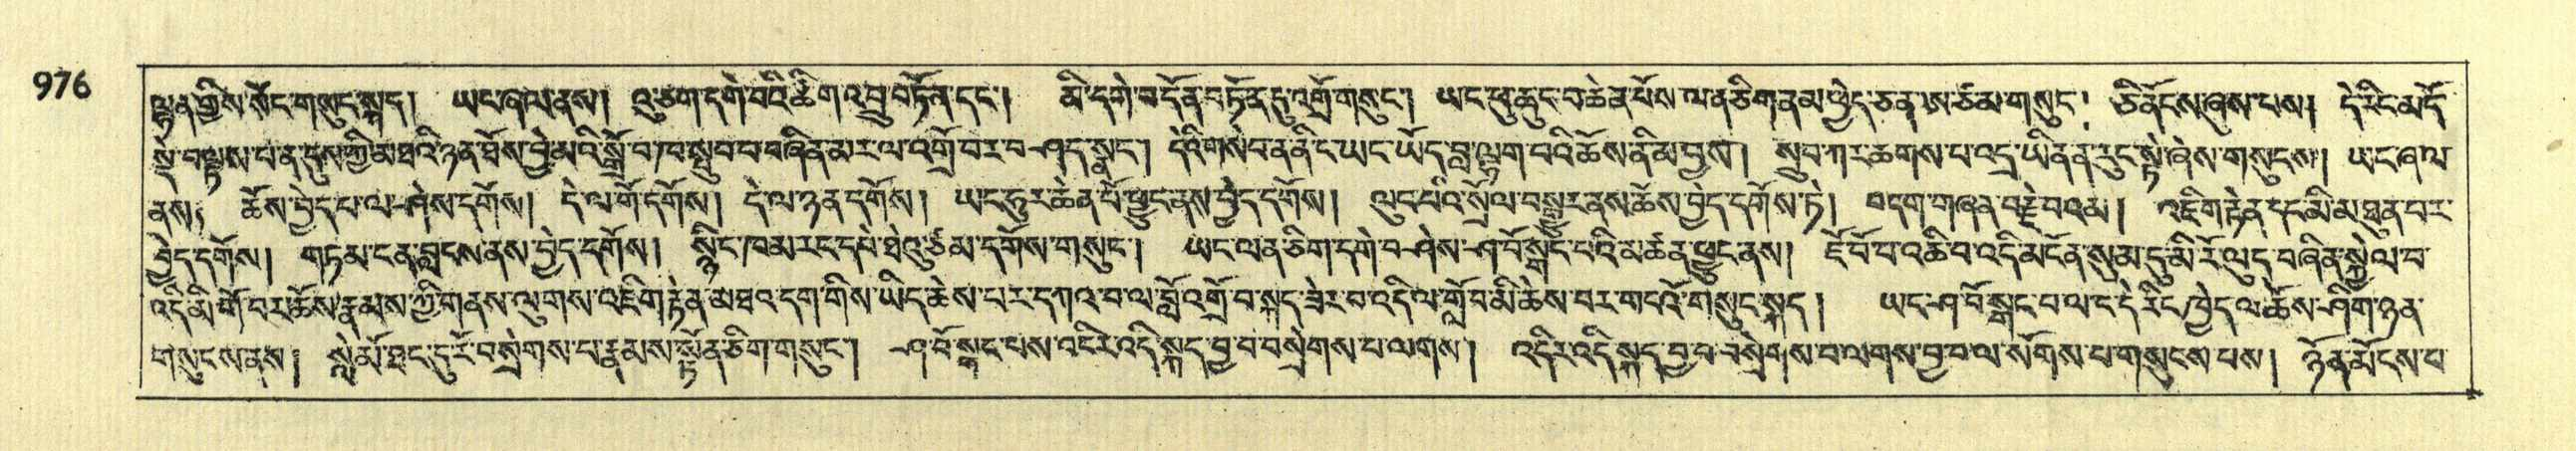ལྷན་གྱིས་སོང་གསུང་སྐད། ཡང་ཞལ་ནས། འུ་ཅག་དགེ་བའི་ཚིག་འབྲུ་བཏོན་དང་། མི་དགེ་བ་དོན་བཏོན་དུ་འགྲོ་གསུང་། ཡང་ཕུ་ཆུང་བ་ཆེན་པོས་ལན་ཅིག་ནམ་ཕྱེད་ཅན་ཨ་ཙ་མ་གསུང་། ཅི་ནོངས་ཞུས་པས། དེ་རིང་མདོ་
སྡེ་བལྟས་པ་ན་དུས་ཀྱི་མཐའི་ཉན་ཐོས་བྱེ་མའི་སྒྲོ་བ་ཁ་སྤུབ་བ་བཞིན་མར་ལ་འགྲོ་བར་བཤད་སྣང་། དེའི་གསེབ་ན་ནི་ང་ཡང་ཡོད་བླ་ལྷག་བའི་ཆོས་ནི་མ་བྱས། སྲུབ་ཀར་ཆགས་པ་འདྲ་ཡིན་ན་རུང་སྟེ་ཞེས་གསུངས། ཡང་ཞལ་
ནས༑ ཆོས་བྱེད་པ་ལ་ཤེས་དགོས། དེ་ལ་གོ་དགོས། དེ་ལ་ཉན་དགོས། ཡང་ཧུར་ཆེན་པོ་ཕྱུང་ནས་བྱེད་དགོས། ལུང་པའི་སྲོལ་བསྒྱུར་ནས་ཆོས་བྱེད་དགོས་ཏེ། བདག་གཞན་བརྗེ་བའམ། འཇིག་རྟེན་དང་མི་མཐུན་བར་
བྱེད་དགོས། གཏམ་ངན་བླངས་ནས་བྱེད་དགོས། སྙིང་ཁམ་རང་དཔེ་ཐེའུ་ཙམ་དགོས་གསུང་། ཡང་ལན་ཅིག་དགེ་བཤེས་ཤ་བོ་སྒོང་པའི་མཚན་ཕྱུང་ནས། ཇོ་བོ་པ་འཆི་བ་འདི་མངོན་སུམ་དུ་མི་རོ་ལུད་བཞིན་སྐྱེལ་བ་
འདི་མི་གོ་བར་ཆོས་རྣམས་ཀྱི་གནས་ལུགས་འཇིག་རྟེན་མཐའ་དག་གིས་ཨིཡིད་ཆེས་པར་དཀའ་བ་ལ་བློ་འགྲོ་བ་སྐད་ཟེར་བ་འདིལ་གློ་བ་མི་ཆེས་བར་གདའོ་གསུང་སྐད། ཡང་ཤ་བོ་སྒང་པ་ལ་ང་དེ་རིང་ཁྱེད་ལ་ཆོས་ཤིག་ཉན་
གསུངས་ནས། སླེ་མོ་ཐང་དུ་རོ་བསྲེགས་པ་རྣམས་སྟོན་ཅིག་གསུང་། ཤ་བོ་སྒང་པས་འདིར་འདི་སྐད་བྱ་བ་བསྲེགས་པ་ལགས། འདིར་འདི་སྐད་བྱ་བ་བསྲེགས་བ་ལགས་བྱ་བ་ལ་སོགས་པ་གསུངས་པས། ཉོན་མོངས་པ་